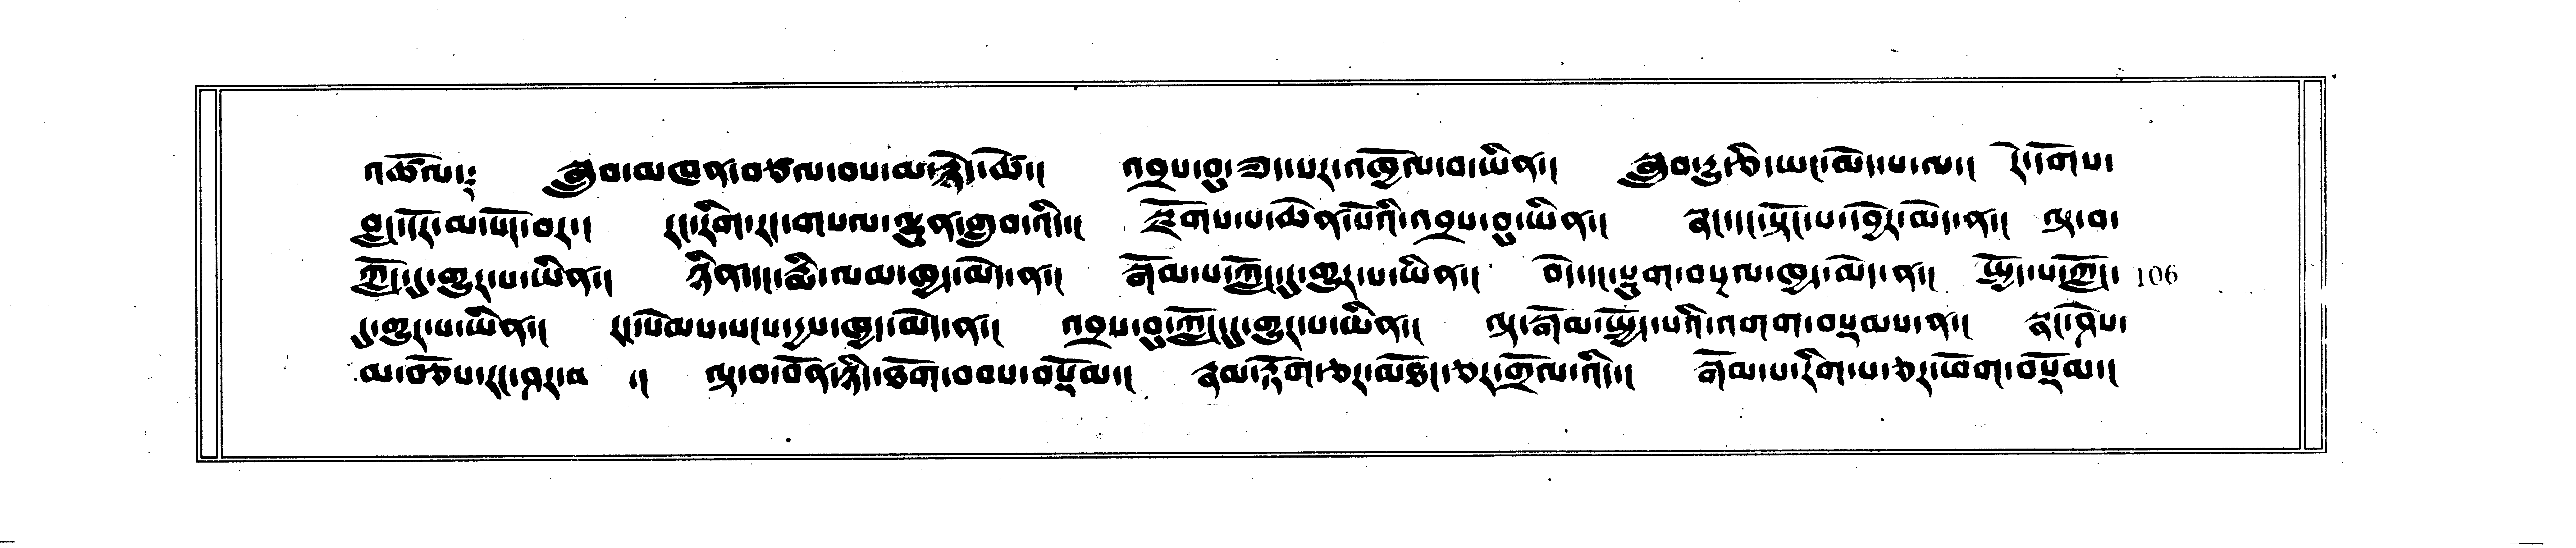འཚོལ། །སྒྲུབ་མཁན་བཙལ་བས་མ་རྙེད་ཚེ། །འབྲས་བུ་ཟད་སར་འཁྱོལ་བ་ཡིན། །བསྒྲུབ་རྒྱུ་ཅི་ཡང་མེད་པ་ལ། །རེ་དྭོགས་
བླང་དོར་མ་སོང་བར། །རང་རིག་རང་གསལ་ལྷུན་གྲུབ་འདི། །རྫོགས་པ་ཆེན་པོའི་འབྲས་བུའི་ཡིན། །སྣང་དང་སྟོང་པ་དབྱེར་མེད་ན། །ལྟ་བ་
ཀློང་དུ་གྱུར་པ་ཡིན། །ཉིན་དང་རྨི་ལམ་ཁྱད་མེད་ན། །སྒོམ་པ་ཀློང་དུ་གྱུར་པ་ཡིན། །བདེ་དང་སྡུག་བསྔལ་ཁྱད་མེད་ན། །སྤྱོད་པ་ཀློང་
དུ་གྱུར་པ་ཡིན། །རང་སེམས་སངས་རྒྱས་ཁྱད་མེད་ན། །འབྲས་བུ་ཀློང་དུ་གྱུར་པ་ཡིན། །ལྟ་སྒོམ་སྤྱོད་པའི་འགག་བསྡམས་ན། །སྣང་ཤས་
མ་བཅོས་རང་ཤར་༼༽བ། །ལྟ་བ་བོན་ཉིད་ཐོག་བབས་བསྡོམ། །རྣམ་རྟོག་ཅེར་མཐོང་ཅེར་གྲོལ་འདི། །སྒོམ་པ་རིག་པ་ཅར་ཕོག་བསྡོམ། །